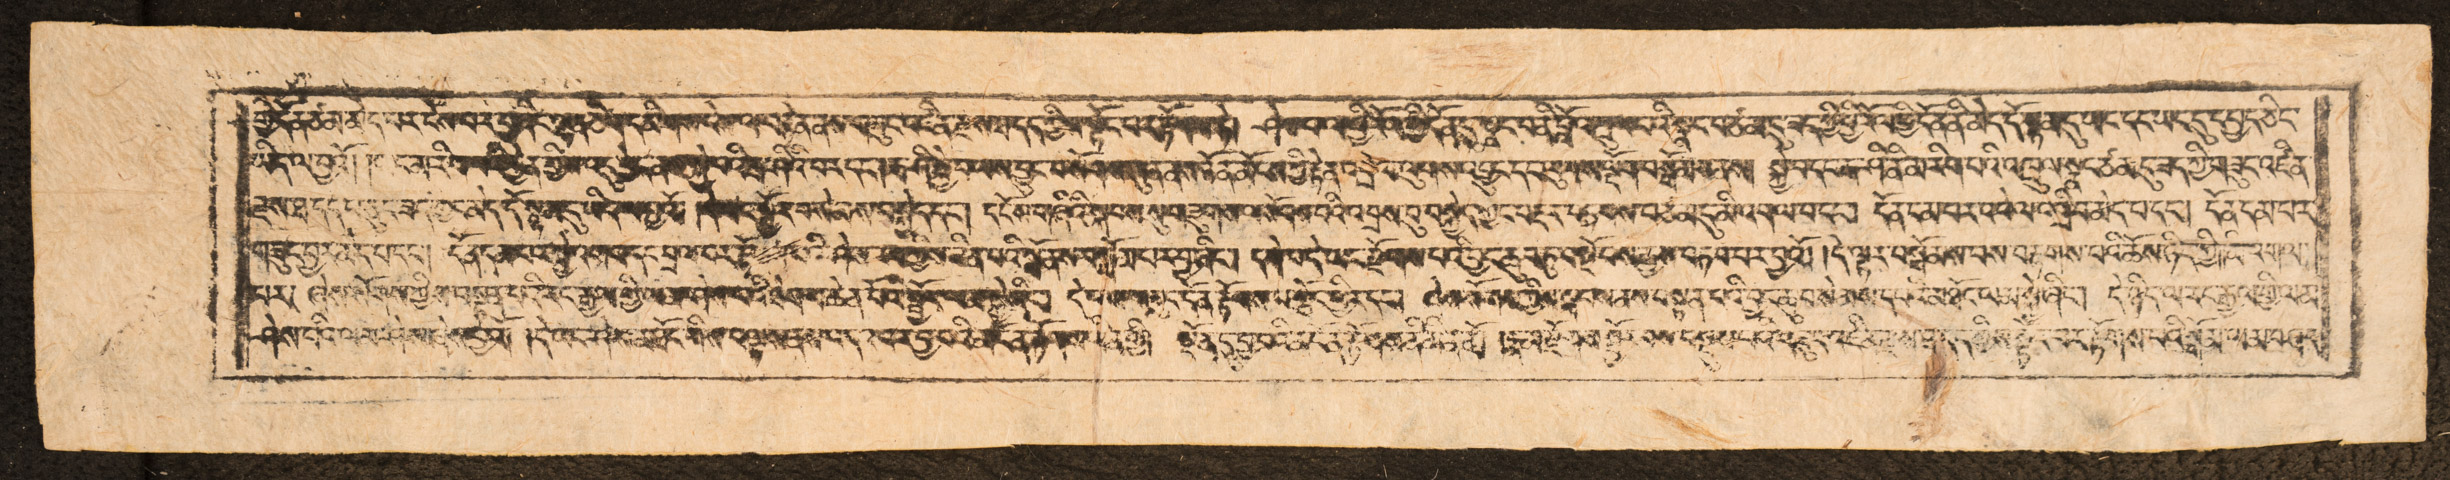གྱི་དོན་ཙམ་མེད་པར་ངེས་པར་བྱ་ཞིང་ལྷན་ཅིག་དམིགས་ངེས་ལ་བརྟེན་ནས་གཟུང་འཛིན་རྫས་ཐ་དད་ཀྱིས་སྟོང་པར་རྟོགས་ཏེ། ཤེས་པ་ལ་ཕྱི་རོལ་གྱི་དོན་དུ་སྣང་བ་ནི་བློ་འཁྲུལ་པའི་སྣང་བ་ཙམ་དུ་ཟད་ཀྱི་ཕྱི་རོལ་གྱི་དོན་ནི་མེད་དོ་སྙམ་དུ་ཡང་དང་ཡང་དུ་དཔྱད་ཅིང་
ཡིད་ལ་བྱའོ། །ཡང་མ་རིག་པའི་རྐྱེན་གྱིས་འདུ་བྱེད་ནས་སྐྱེ་བའི་རྒ་ཤིའི་བར་དང་། རྒ་ཤི་སྐྱེ་བ་ལས་བྱུང་བ་སོགས་ཀུན་ནས་ཉོན་མོངས་ཀྱི་རྟེན་འབྲེལ་ལུགས་འབྱུང་དང་ལུགས་ལྡོག་བསྒོམས་ནས། སྐྱེ་བ་དང་རྒ་ཤི་ནི་མ་རིག་པའི་འཁྲུལ་སྣང་ཙམ་དུ་ཟད་ཀྱི་གཟུང་འཛིན་
རྫས་ཐ་དད་པ་ཅུང་ཟད་ཀྱང་མེད་དོ་སྙམ་དུ་ཡིད་ལ་བྱའོ། །དེ་ཡང་སྦྱོར་བ་སེམས་བསྐྱེད་དང་། དངོས་གཞིའི་སྐབས་སུ་གཟུགས་ལ་སོགས་པའི་འབྲས་བུ་བསྐྱེད་ཀྱང་བརྡར་བཏགས་པ་ཙམ་དུ་མི་འགལ་བ་དང་། དོན་དམ་པར་འཕེལ་འགྲིབ་མེད་པ་དང་། དོན་དམ་པར་
གཟུང་བྱར་མེད་པ་དང་། དོན་དམ་པར་སྐྱེ་འགག་དང་བྲལ་བར་རྟོགས་པའི་ཤེས་རབ་ཀྱིས་ཟིན་པའི་སྒོ་ནས་བསྒོམ་པར་བྱ་ཞིང་། དགེ་བ་དེ་ཡང་རྫོགས་པའི་བྱང་ཆུབ་ཏུ་བསྔོ་བས་རྒྱས་བཏབ་པར་བྱའོ། །དེ་ལྟར་བསྒོམས་པས་བཏགས་པའི་ཆོས་ཉིད་ཀྱི། །མི་འགལ་
པར། ཞེས་སོགས་ཀྱིས་བསྟན་པའི་རང་རྒྱལ་གྱི་ལམ་ཤེས་པའི་ཐེག་པ་ཆེན་པོའི་སྦྱོར་ལམ་སྐྱེ་ཞིང་། དེ་ལས་གཟུང་དོན་རྟོགས་པ་སྤོང་ཕྱིར་དང་། ཞེས་སོགས་ཀྱིས་སྐབས་ནས་བསྟན་པའི་བྱང་ཆུབ་སེམས་དཔའི་མཐོང་ལམ་སྐྱེ་ཞིང་། དེ་ཉིད་ལ་རང་རྒྱལ་གྱི་ལམ་
ཤེས་པའི་ལམ་ཤེས་ཞེས་བྱའོ། །དེ་ཡང་ཤེས་མཐོང་གིས་བལྟས་ནས་འདའ་བར་བྱ་བའི་མངོན་རྟོགས་ཡིན་གྱི། སྔོན་དུ་བྱ་བའི་མངོན་རྟོགས་ནི་མིན་ནོ། །རྣམ་རྫོགས་སྦྱོར་བས་བསྡུས་པའི་གཟུང་འཛིན་རྫས་ཐ་དད་ཀྱིས་སྟོང་བར་རྟོགས་པའི་སྒོམ་ལམ་བཤད་